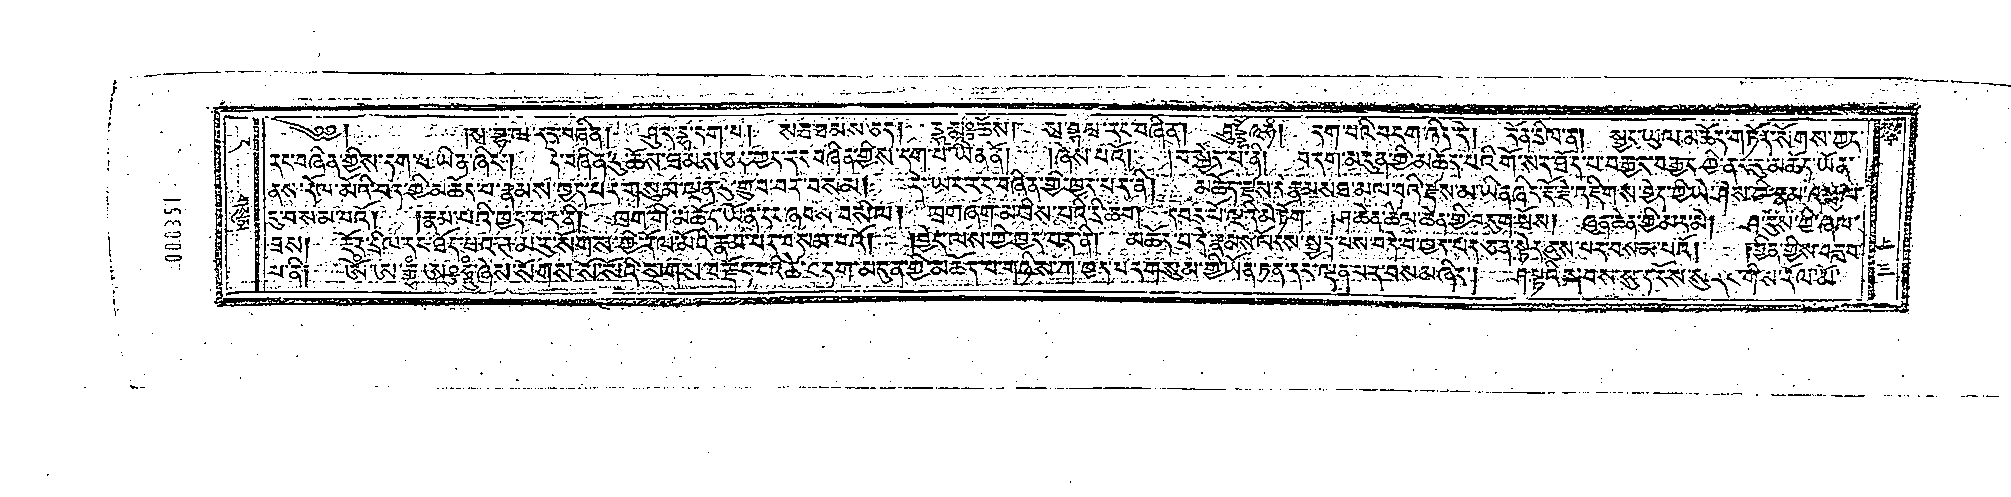༄༅། །སྭ་བྷ་ཝ་རང་བཞིན། ཤུད་དྷ་དག་པ། སརྦ་ཐམས་ཅད། དྷ་རྨཱཿ་ཆོས། སྭ་བྷ་ལྭ་རང་བཞིན། ཤུདྡྷོཉཧཾ། དག་པའི་བདག་ཉིད་དེ། དོན་དྲིལ་ན། སྦྱང་ཡུལ་མཆོད་གཏོར་སོགས་ཀྱང་
རང་བཞིན་གྱིས་དག་པ་ཡིན་ཞིང་། དེ་བཞིན་དུ་ཆོས་ཐམས་ཅད་ཀྱང་རང་བཞིན་གྱིས་དག་པ་ཡིན་ནོ། །ཞེས་པའོ། །བསྐྱེད་པ་ནི། བདག་མདུན་གྱི་མཆོད་པའི་གོ་སར་ཐོད་པ་བརྒྱད་བརྒྱད་ཀྱི་ནང་དུ་མཆོད་ཡོན་
ནས་རོལ་མོའི་བར་གྱི་མཆོད་པ་རྣམས་ཁྱད་པར་གསུམ་ལྡན་དུ་གྲུབ་བར་བསམ། དེ་ཡང་རང་བཞིན་གྱི་ཁྱད་པར་ནི། མཆོད་རྫས་དེ་རྣམས་ཐ་མལ་བའི་རྫས་མ་ཡིན་ཞིང་རྡོ་རྗེ་འཇིགས་བྱེད་ཀྱི་ཡེ་ཤེས་ཀྱི་རྣམ་འཕྲུལ་
དུ་བསམ་པའོ། །རྣམ་པའི་ཁྱད་བར་ནི། ཁྲག་གི་མཆོད་ཡོན་དང་ཞབས་བསིལ། ཁྲག་ཞག་མཁྲིས་པའི་དྲི་ཆབ། དབང་པོ་ལྔའི་མེ་ཏོག །ཤ་ཆེན་ཚིལ་ཆེན་གྱི་བདུག་སྤོས། ཞུན་ཆེན་གྱི་མར་མེ། ཤ་རུས་ཀྱི་ཞལ་
ཟས། རྡོར་དྲིལ་དང་ཐོད་པའི་ཊ་མ་རུ་སོགས་ཀྱི་རོལ་མོའི་རྣམ་པར་བསམ་པའོ། །བྱེད་ལས་ཀྱི་ཁྱད་པར་ནི། མཆོད་པ་དེ་རྣམས་ལོངས་སྤྱད་པས་བདེ་བ་ཁྱད་པར་ཅན་སྟེར་ནུས་པར་བསམ་པའོ། །བྱིན་གྱིས་བརླབ་
པ་ནི། ཨོཾ་ཨ་རྒྷཾ་ཨཱཿ་ཧཱུཾ་ཞེས་སོགས་སོ་སོའི་སྔགས་བརྗོད་པའི་ཚེ་བདག་མདུན་གྱི་མཆོད་པ་གཉིས་ཀ་ཁྱད་པར་གསུམ་གྱི་ཡོན་ཏན་དང་ལྡན་པར་བསམ་ཞིང་། ཤཔྟའི་སྐབས་སུ་དངོས་སུ་རང་གིས་རོལ་མོ་